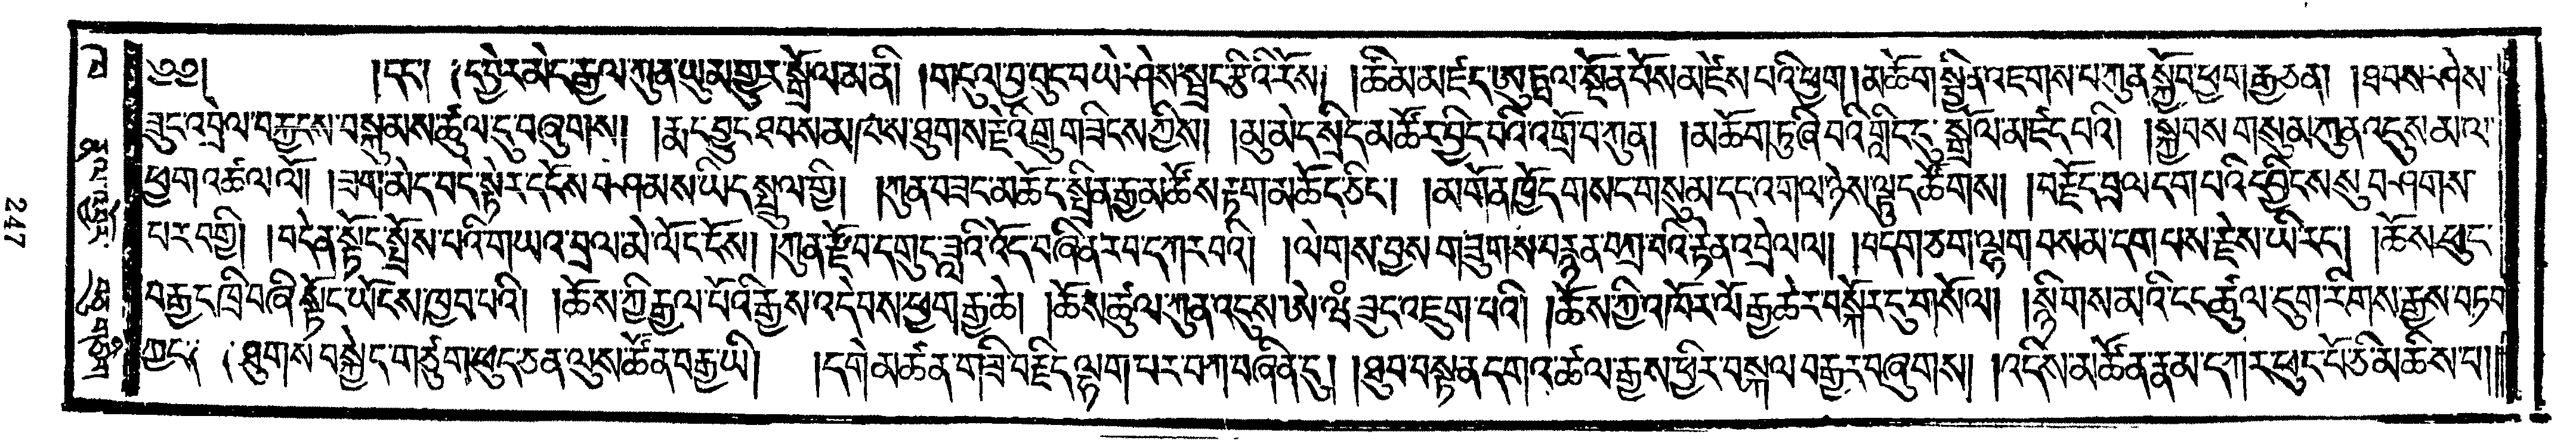༄༅། །དང༑ ༑དབྱེར་མེད་རྒྱལ་ཀུན་ཡུམ་གྱུར་སྒྲོལ་མ་ནི། །གདུལ་བྱ་བུང་བ་ཡེ་ཤེས་སྦྲང་རྩིའི་རོས། །ཚིམ་མཛད་ཨུཏྤལ་སྔོན་པོས་མཛེས་པའི་ཕྱག། མཆོག་སྦྱིན་འཇགས་པ་ཀུན་སྐྱོབ་ཕྱག་རྒྱ་ཅན། །ཐབས་ཤེས་
ཟུང་འབྲེལ་བརྐྱངས་བསྐུམས་ཚུལ་དུ་བཞུགས། །རྨད་བྱུང་ཐབས་མཁས་ཐུགས་རྗེའི་གྲུ་གཟིངས་ཀྱིས། །མུ་མེད་སྲིད་མཚོར་བྱིང་བའི་འགྲོ་བ་ཀུན། །མཆོག་ཏུ་ཞི་བའི་གླིང་དུ་སྒྲོལ་མཛད་པའི། །སྐྱབས་གསུམ་ཀུན་འདུས་མ་ལ་
ཕྱག་འཚལ་ལོ། །ཟག་མེད་བདེ་སྟེར་དངོས་བཤམས་ཡིད་སྤྲུལ་གྱི། །ཀུན་བཟང་མཆོད་སྤྲིན་རྒྱ་མཚོས་རྟག་མཆོད་ཅིང་། །མགོན་ཁྱོད་གསང་གསུམ་དང་འགལ་ཉེས་ལྟུད་ཚོགས། །བརྗོད་བྲལ་དག་པའི་དབྱིངས་སུ་བཤགས་
པར་བགྱི། །བདེན་སྟོང་སྤྲོས་པའི་གཡའ་བྲལ་མེ་ལོང་ངོས། །ཀུན་རྫོབ་དགུང་ཟླའི་འོད་བཞིན་རབ་དཀར་བའི། །ལེགས་བྱས་གཟུགས་བརྙན་བཀྲ་བའི་རྟེན་འབྲེལ་ལ། །བདག་ཅག་ལྷག་བསམ་དག་པས་རྗེས་ཡི་རང་། །ཆོས་ཕུང་
བརྒྱད་ཁྲི་བཞི་སྟོང་ཡོངས་ཁྱབ་པའི། །ཆོས་ཀྱི་རྒྱལ་པོའི་རྒྱས་འདེབས་ཕྱག་རྒྱ་ཆེ། །ཆོས་ཚུལ་ཀུན་འདུས་ཨེ་ཝཾ་ཟུང་འཇུག་པའི། །ཆོས་ཀྱི་འཁོར་ལོ་རྒྱ་ཆེར་བསྐོར་དུ་གསོལ། །སྙིགས་མའི་ངང་ཚུལ་དུག་རིགས་རྒྱས་བཏབ་
ཀྱང༑ ༑ཐུགས་བསྐྱེད་གཙུག་ཕུད་ཅན་ལུས་ཚོན་བརྒྱ་ཡི། །དགེ་མཚན་གཟི་བརྗིད་ལྷག་པར་བཀ་བཞིན་དུ། །ཐུབ་བསྟན་དགའ་ཚལ་རྒྱས་ཕྱིར་བསྐལ་བརྒྱར་བཞུགས། །འདིས་མཚོན་རྣམ་དཀར་ཕུང་པོ་ཅི་མཆིས་པ།།